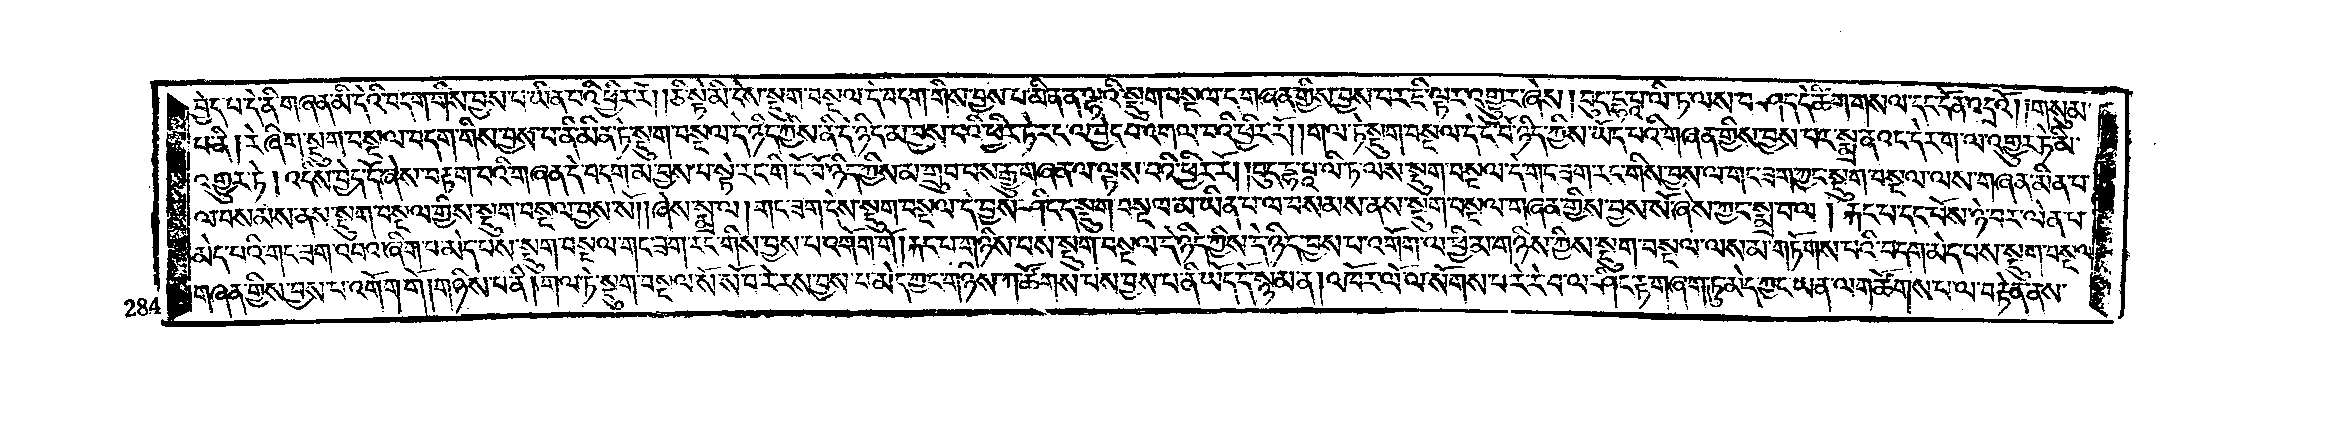བྱེད་པ་དེ་ནི་གཞན་མི་དེའི་བདག་གིས་བྱས་པ་ཡིན་པའི་ཕྱིར་རོ། །ཅི་སྟེ་མི་དེས་སྡུག་བསྔལ་དེ་བདག་གིས་བྱས་པ་མིན་ན་ལྷའི་སྡུག་བསྔལ་ད་གཞན་གྱིས་བྱས་པར་ཇི་ལྟར་འགྱུར་ཞེས། བུད་དྷ་པཱ་ལི་ཏ་ལས་བཤད་དེ་ཚིག་གསལ་དང་དོན་འདྲའོ། །གསུམ་
པ་ནི། རེ་ཞིག་སྡུག་བསྔལ་བདག་གིས་བྱས་པ་ནི་མིན་ཏེ་སྡུག་བསྔལ་དེ་ཉིད་ཀྱིས་ནི་དེ་ཉིད་མ་བྱས་པའི་ཕྱིར་ཏེ་རང་ལ་བྱེད་པ་འགལ་བའི་ཕྱིར་རོ། །གལ་ཏེ་སྡུག་བསྔལ་དེ་ངོ་བོ་ཉིད་ཀྱིས་ཡོད་པའི་གཞན་གྱིས་བྱས་པར་སྨྲ་ནའང་དེར་ག་ལ་འགྱུར་ཏེ་མི་
འགྱུར་ཏེ། འདིས་བྱེད་དོ་ཞེས་བརྟག་པའི་གཞན་དེ་བདག་མ་བྱས་པ་སྟེ་རང་གི་ངོ་བོ་ཉིད་ཀྱིས་མ་གྲུབ་པས་རྒྱུ་གཞན་ལ་ལྟས་པའི་ཕྱིར་རོ། །བུད་དྷ་པཱ་ལི་ཏ་ལས་སྡུག་བསྔལ་དེ་གང་ཟག་རང་གིས་བྱས་ལ་གང་ཟག་ཀྱང་སྡུག་བསྔལ་ལས་གཞན་མིན་པ་
ལ་བསམས་ནས་སྡུག་བསྔལ་གྱིས་སྡུག་བསྔལ་བྱས་སོ། །ཞེས་སྨྲ་ལ། གང་ཟག་དེས་སྡུག་བསྔལ་དེ་བྱས་ཤིང་ད་སྡུག་བསྔལ་མ་ཡིན་པ་ལ་བསམས་ནས་སྡུག་བསྔལ་གཞན་གྱིས་བྱས་སོ་ཞེས་ཀྱང་སྨྲ་བ་ལ། རྐང་པ་དང་པོས་ཉེ་བར་ལེན་པ་
མེད་པའི་གང་ཟག་འབའ་ཞིག་པ་མེད་པས་སྡུག་བསྔལ་གང་ཟག་རང་གིས་བྱས་པ་འགོག་གོ། རྐང་པ་གཉིས་པས་སྡུག་བསྔལ་དེ་ཉིད་ཀྱིས་དེ་ཉིད་བྱས་པ་འགོག་ལ་ཕྱི་མ་གཉིས་ཀྱིས་སྡུག་བསྔལ་ལས་མ་གཏོགས་པའི་བདག་མེད་པས་སྡུག་བསྔལ་
གཞན་གྱིས་བྱས་པ་འགོག་གོ། གཉིས་པ་ནི། གལ་ཏེ་སྡུག་བསྔལ་སོ་སོ་བ་རེ་རས་བྱས་པ་མེད་ཀྱང་གཉིས་ཀ་ཚོགས་པས་བྱས་པ་ནི་ཡོད་དོ་སྙམ་ན་འཁོར་ལོ་ལ་སོགས་པ་རེ་རེ་བ་ལ་ཤིང་རྟ་གཞག་ཏུ་མེད་ཀྱང་ཡན་ལག་ཚོགས་པ་ལ་བརྟེན་ནས་